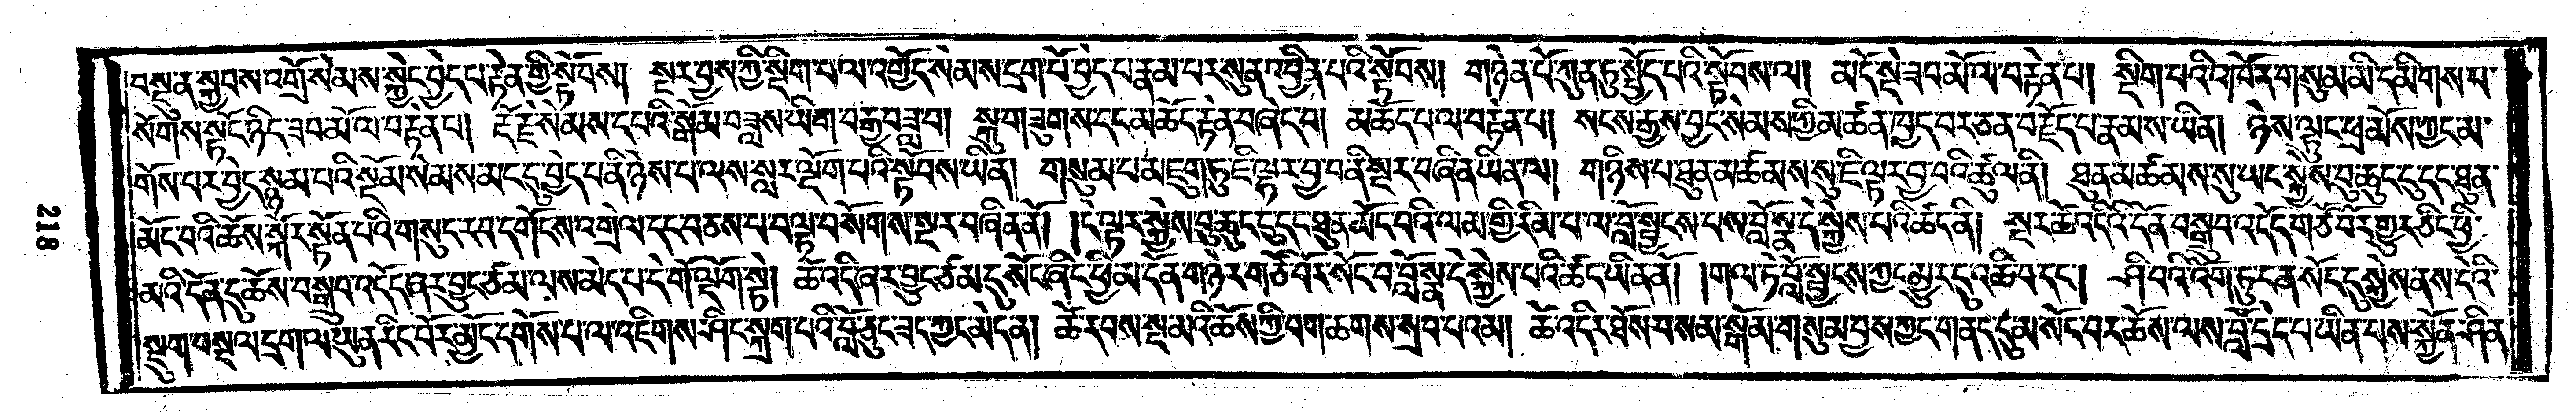བསྡུ་ན་སྐྱབས་འགྲོ་སེམས་སྐྱེད་བྱེད་པ་རྟེན་གྱི་སྟོབས། སྔར་བྱས་ཀྱི་སྡིག་པ་ལ་འགྱོད་སེམས་དྲག་པོ་བྱེད་པ་རྣམ་པར་སུན་འབྱིན་པའི་སྟོབས། གཉེན་པོ་ཀུན་ཏུ་སྤྱོད་པའི་སྟོབས་ལ། མདོ་སྡེ་ཟབ་མོ་ལ་བརྟེན་པ། སྡིག་པའི་འཁོར་གསུམ་མི་དམིགས་པ་
སོགས་སྟོང་ཉིད་ཟབ་མོ་ལ་བརྟེན་པ། རྡོ་རྗེ་སེམས་དཔའི་སྒོམ་བཟླས་ཡིག་བརྒྱ་བཟླ་བ། སྐུ་གཟུགས་དང་མཆོད་རྟེན་བཞེད་པ། མཆོད་པ་ལ་བརྟེན་པ། སངས་རྒྱས་བྱང་སེམས་ཀྱི་མཚན་ཁྱད་པར་ཅན་བརྗོད་པ་རྣམས་ཡིན། ཉེས་ལྟུང་ཕྲ་མོས་ཀྱང་མ་
གོས་པར་བྱེད་སྙམ་པའི་སྡོམ་སེམས་མང་དུ་བྱེད་པ་ནི་ཉེས་པ་ལས་སླར་ལྡོག་པའི་སྟོབས་ཡིན། གསུམ་པར་མཇུག་ཏུ་ཇི་ལྟར་བྱ་བ་ནི་སྔར་བཞིན་ཡིན་ལ། གཉིས་པ་ཐུན་མཚམས་སུ་ཇི་ལྟར་བྱ་བའི་ཚུལ་ནི། ཐུན་མཚམས་སུ་ཡང་སྐྱེས་བུ་ཆུང་ངུ་དང་ཐུན་
མོང་བའི་ཆོས་སྐོར་སྟོན་པའི་གསུང་རབ་དགོངས་འགྲེལ་དང་བཅས་པ་བལྟ་བ་སོགས་སྔར་བཞིན་ནོ། །དེ་ལྟར་སྐྱེས་བུ་ཆུང་ངུ་དང་ཐུན་མོང་བའི་ལམ་གྱི་རིམ་པ་ལ་བློ་སྦྱངས་པས་བློ་སྣ་དེ་སྐྱེས་པའི་ཚད་ནི། སྔར་ཚེ་འདིའི་དོན་བསྒྲུབ་འདོད་གཙོ་བོར་གྱུར་ཅིང་ཕྱི་
མའི་དོན་དུ་ཆོས་བསྒྲུབ་འདོད་ཞར་བྱུང་ཙམ་ལས་མེད་པ་དེ་གོ་ལྡོག་སྟེ། ཚེ་འདི་ཞར་བྱུང་ཙམ་དུ་སོང་ཞིང་ཕྱི་མ་དོན་གཉེར་གཙོ་བོར་སོང་བ་བློ་སྣ་དེ་སྐྱེས་པའི་ཚད་ཡིན་ནོ། །གལ་ཏེ་བློ་སྦྱངས་ཀྱང་མྱུར་དུ་འཆི་བ་དང་། ཤི་བའི་འོག་ཏུ་ངན་སོང་དུ་སྐྱེས་ནས་དེའི་
སྡུག་བསྔལ་དྲག་ལ་ཡུན་རིང་པོར་མྱོང་དགོས་པ་ལ་འཇིགས་ཤིང་སྐྲག་པའི་བློ་ཅུང་ཟད་ཀྱང་མེད་ན། ཚེ་རབས་སྔ་མའི་ཆོས་ཀྱི་བག་ཆགས་སྲབ་པའམ། ཚེ་འདིར་ཐོས་བསམ་སྒོམ་གསུམ་བྱས་ཀྱང་གནད་དུ་མ་སོང་བར་ཆོས་ལས་བློ་དྲེང་པ་ཡིན་པས་སྐྱོན་ཤིན་